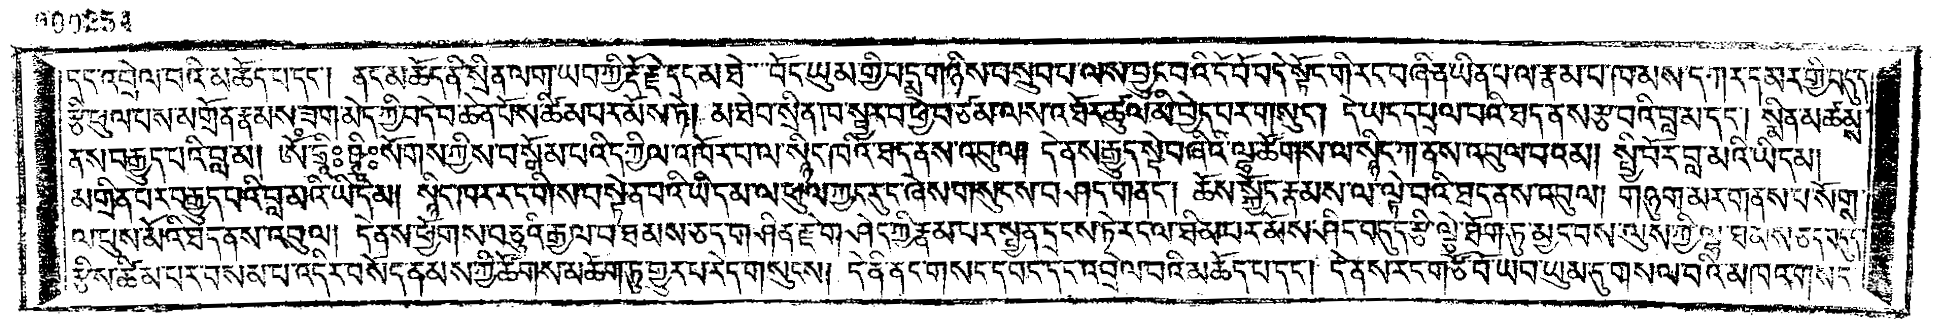དང་འབྲེལ་བའི་མཆོད་པ་དང་། ནང་མཆོད་ནི་སྲིན་ལག་ཡབ་ཀྱི་རྡོ་རྗེ་དང་མཐེ་བོང་ཡུམ་གྱི་པདམ་གཉིས་བསྲུབ་པ་ལས་བྱུང་བའི་ངོ་བོ་བདེ་སྟོང་གི་རང་བཞིན་ཡིན་པ་ལ་རྣམ་པ་ཁམས་དཀར་དམར་གྱི་བདུད་
རྩི་ཕུལ་པས་མགྲོན་རྣམས་ཟག་མེད་ཀྱི་བདེ་བ་ཆེན་པོས་ཚིམ་པར་མོས་ཏེ། མཐེབ་སྲིན་ཁ་སྦྱར་བ་ཕྱེ་བ་ཙམ་ལས་འཐོར་ཚུལ་མི་བྱེད་པར་གསུང་། དེ་ཡང་དཔྲལ་པའི་ཐད་ནས་རྩ་བའི་བླ་མ་དང་། སྨིན་མཚམས་
ནས་བརྒྱུད་པའི་བླ་མ། ཨོཾ་ཧྲཱིཿ ཥྚཱིཿ སོགས་ཀྱིས་བསྒོམ་པའི་དཀྱིལ་འཁོར་པ་ལ་སྙིང་ཁའི་ཐད་ནས་འབུལ། དེ་ནས་རྒྱུད་སྡེ་བཞིའི་ལྷ་ཚོགས་ལ་སྙིང་ཀ་ནས་འབུལ་བའམ། སྤྱི་བོར་བླ་མའི་ཡི་དམ།
མགྲིན་པར་བརྒྱུད་པའི་བླ་མའི་ཡི་དམ། སྙིང་ཁར་རང་གིས་བསྟེན་པའི་ཡི་དམ་ལ་ཕུལ་ཀྱང་རུང་ཞེས་གསུངས་བཤད་གནང་། ཆོས་སྐྱོང་རྣམས་ལ་ལྟེ་བའི་ཐད་ནས་འབུལ། གཉུག་མར་གནས་པ་སོགས་
ལ་པུས་མོའི་ཐད་ནས་འབུལ། དེ་ནས་ཕྱོགས་བཅུའི་རྒྱལ་བ་ཐམས་ཅད་གཤིན་རྗེ་གཤེད་ཀྱི་རྣམ་པར་སྤྱན་དྲངས་ཏེ་རང་ལ་ཐིམ་པར་མོས་ཤིང་བདུད་རྩི་ལྕེ་ཐོག་ཏུ་མྱང་བས་ལུས་ཀྱི་ལྷ་ཐམས་ཅད་བདུད་
རྩིས་ཚིམ་པར་བསམ་པ་འདིར་བསོད་ནམས་ཀྱི་ཚོགས་མཆོག་ཏུ་གྱུར་པ་རེད་གསུངས། དེ་ནི་ནང་གསང་དབང་དང་འབྲེལ་བའི་མཆོད་པ་དང་། དེ་ནས་རང་གཙོ་བོ་ཡབ་ཡུམ་དུ་གསལ་བའི་མཁའ་གསང་